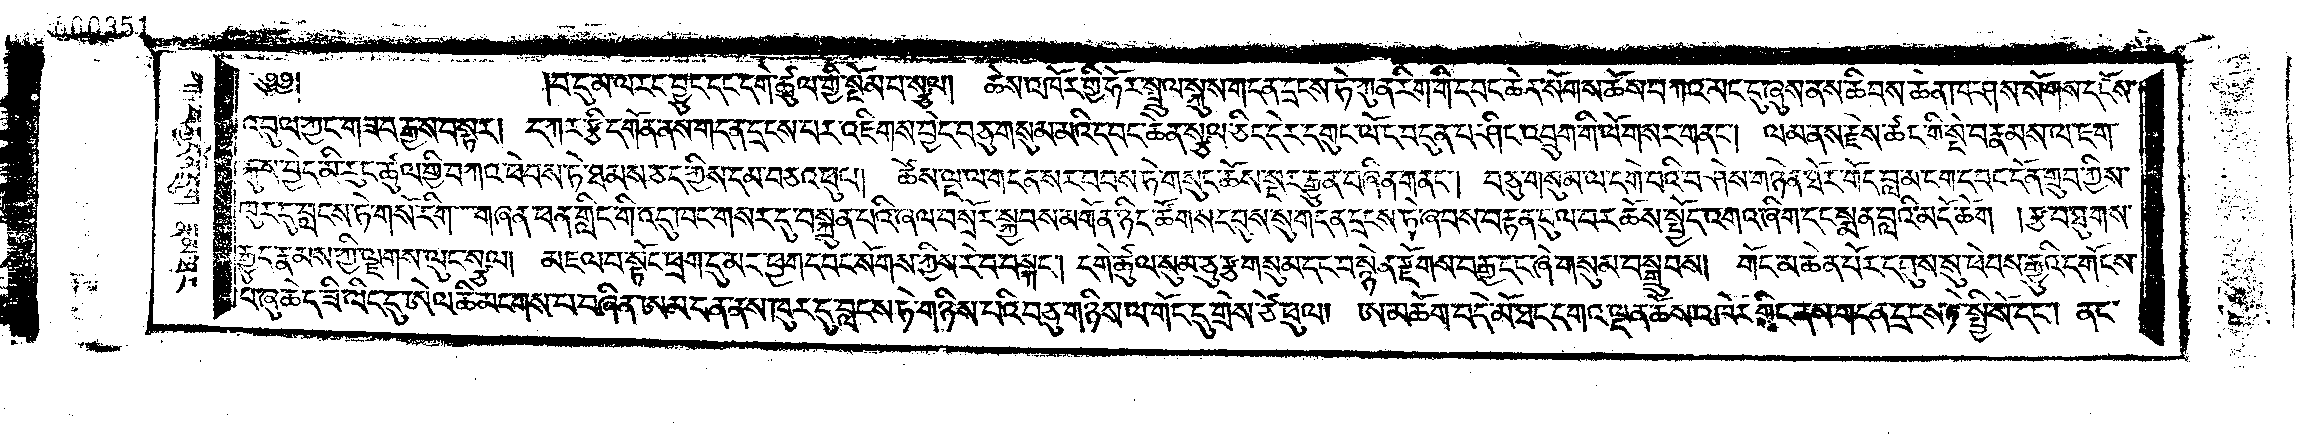༄༅། །བ་དུ་མ་ལ་རང་བྱུང་དང་དགེ་ཚུལ་གྱི་སྔོམ་པ་སྩལ། ཆེས་འཁོར་གྱི་ཧོར་སྤྲུལ་སྐུས་གདན་དྲངས་ཏེ་ཀུན་རིག་གི་དབང་ཆེན་སོགས་ཆོས་བཀའ་མང་དུ་ཞུས་ནས་ཆིབས་ཆེན་ཁ་ཤས་སོགས་དངོས་
འབུལ་ཀྱང་གཟབ་རྒྱས་བསྟར། དཀར་རྩི་དགོན་ནས་གདན་དྲངས་པར་འཇིགས་བྱེད་བཅུ་གསུམ་མའི་དབང་ཆེན་སྩལ་ཅིང་དེར་དགུང་ལོ་ང་བདུན་པ་ཤིང་འབྲུག་གི་ལོ་གསང་གནང་། ལམ་ནས་རྗེས་ཚང་གི་སྡེ་བ་རྣམས་ལ་ཇག་
རྐུས་བྱེད་མི་རུང་ཚུལ་གྱི་བཀའ་ཕེབས་ཏེ་ཐམས་ཅད་ཀྱིས་དམ་བཅའ་ཕུལ། ཚེས་ལྔ་ལ་གདན་སར་བབས་ཏེ་གསུང་ཆོས་སྔར་རྒྱུན་བཞིན་གནང་། བཅུ་གསུམ་ལ་དགེ་བའི་བཤེས་གཉེན་ཐོར་གོད་བླ་མ་ངག་དབང་དོན་གྲུབ་ཀྱིས་
ཁུར་དུ་བླངས་ཏེ་གསོར་གི་གཞན་ཕན་གླིང་གི་འདུ་ཁང་གསར་དུ་བསྐྲུན་པའི་ཞལ་བསྲོར་སྐྱབས་མགོན་ཉིད་ཚོགས་དབུས་སུ་གདན་དྲངས་ཏེ་ཞབས་བརྟན་ཕུལ་བར་ཆོས་སྤྱོད་འགའ་ཞིག་དང་སྨན་བླའི་མདོ་ཆོ་ག །རྩ་བ་ཐུགས་
རྒྱུད་རྣམས་ཀྱི་ལྗགས་ལུང་སྩལ། མཇལ་བ་སྟོང་ཕྲག་དུ་མར་ཕྱག་དབང་སོགས་ཀྱིས་རེ་བ་བསྐང་། དགེ་ཚུལ་སུམ་ཅུ་རྩ་གསུམ་དང་བསྙེན་རྫོགས་བརྒྱ་དང་ཞེ་གསུམ་བསྒྲུབས། གོང་མ་ཆེན་པོར་དབུས་སུ་ཕེབས་རྒྱུའི་དགོངས་
བ་ཞུ་ཆེད་ཟི་ལིང་དུ་ཨེལ་ཆི་མངགས་པ་བཞིན་ཨམ་ངན་ནས་ཁུར་དུ་བླངས་ཏེ་གཉིས་པའི་བཅུ་གཉིས་ལ་གོང་དུ་གྲེས་ཙེ་ཕུལ། ཨ་མཆོག་བདེ་མོ་ཐང་དགའ་ལྡན་ཆོས་འཁོར་གླིང་ནས་གདན་དྲངས་ཏེ་སྤྱི་སོ་དང་། ནང་